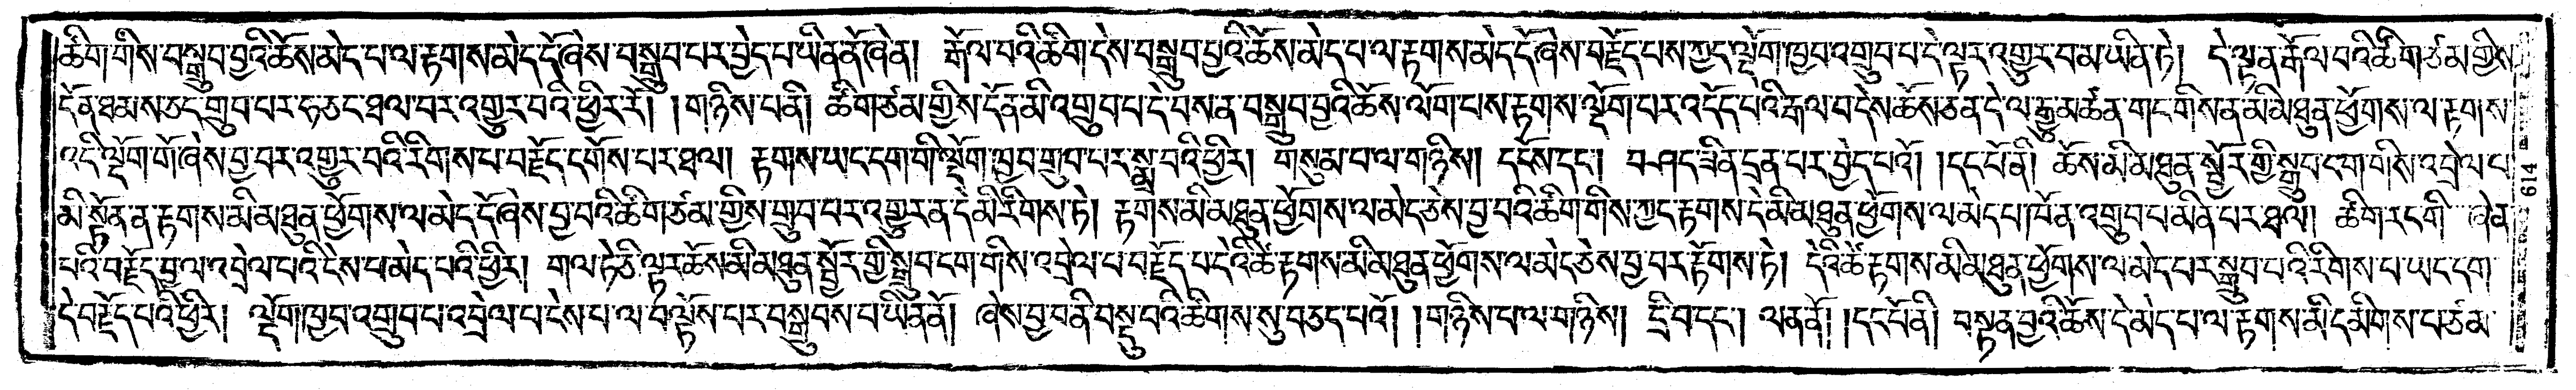ཚིག་གིས་བསྒྲུབ་བྱའི་ཆོས་མེད་པ་ལ་རྟགས་མེད་དོ་ཞེས་བསྒྲུབ་པར་བྱེད་པ་ཡིན་ནོ་ཞེ་ན། རྒོལ་བའི་ཚིག་དེས་བསྒྲུབ་བྱའི་ཆོས་མེད་པ་ལ་རྟགས་མེད་དོ་ཞེས་བརྗོད་པས་ཀྱང་ལྡོག་ཁྱབ་འགྲུབ་པ་དེ་ལྟར་འགྱུར་བ་མ་ཡིན་ཏེ། དེ་ལྟ་ན་རྒོལ་བའི་ཚིག་ཙམ་གྱིས་
དོན་ཐམས་ཅད་གྲུབ་པར་ཧ་ཅང་ཐལ་བར་འགྱུར་བའི་ཕྱིར་རོ། །གཉིས་པ་ནི། ཚིག་ཙམ་གྱིས་དོན་མི་འགྲུབ་པ་དེ་བས་ན་བསྒྲུབ་བྱའི་ཆོས་ལོག་པས་རྟགས་ལྡོག་པར་འདོད་པའི་རྒལ་བ་དེས་ཆོས་ཅན་དེ་ལ་རྒྱུ་མཚན་གང་གིས་ན་མི་མཐུན་ཕྱོགས་ལ་རྟགས་
འདི་ལྡོག་གོ་ཞེས་བྱ་བར་འགྱུར་བའི་རིགས་པ་བརྗོད་དགོས་པར་ཐལ། རྟགས་ཡང་དག་གི་ལྡོག་ཁྱབ་གྲུབ་པར་སྨྲ་བའི་ཕྱིར། གསུམ་པ་ལ་གཉིས། དངོས་དང་། བཤད་ཟིན་དྲན་པར་བྱེད་པའོ། །དང་པོ་ནི། ཆོས་མི་མཐུན་སྦྱོར་གྱི་སྒྲུབ་ངག་གིས་འབྲེལ་པ་
མི་སྟོན་ན་རྟགས་མི་མཐུན་ཕྱོགས་ལ་མེད་དོ་ཞེས་བྱ་བའི་ཚིག་ཙམ་གྱིས་གྲུབ་པར་འགྱུར་ན་དེ་མི་རིགས་ཏེ། རྟགས་མི་མཐུན་ཕྱོགས་ལ་མེད་ཅེས་བྱ་བའི་ཚིག་གིས་ཀྱང་རྟགས་དེ་མི་མཐུན་ཕྱོགས་ལ་མེད་པ་ཁོ་ན་འགྲུབ་པ་མིན་པར་ཐལ། ཚིག་རང་གི་ཞེན་
པའི་བརྗོད་བྱ་ལ་འབྲེལ་པའི་ངེས་པ་མེད་པའི་ཕྱིར། གལ་ཏེ་ཅི་ལྟར་ཆོས་མི་མཐུན་སྦྱོར་གྱི་སྒྲུབ་ངག་གིས་འབྲེལ་པ་བརྗོད་པ་དེའི་ཚེ་རྟགས་མི་མཐུན་ཕྱོགས་ལ་མེད་ཅེས་བྱ་བར་རྟོགས་ཏེ། དེའི་ཚེ་རྟགས་མི་མཐུན་ཕྱོགས་ལ་མེད་པར་སྒྲུབ་པའི་རིགས་པ་ཡང་དག་
དེ་བརྗོད་པའི་ཕྱིར། ལྡོག་ཁྱབ་འགྲུབ་པ་འབྲེལ་པ་ངེས་པ་ལ་བལྟོས་པར་བསྒྲུབས་པ་ཡིན་ནོ། ཞེས་བྱ་བ་ནི་བསྡུ་བའི་ཚིགས་སུ་བཅད་པའོ། །གཉིས་པ་ལ་གཉིས། དྲི་བ་དང་། ལན་ནོ། །དང་པོ་ནི། བསྟན་བྱའི་ཆོས་དེ་མེད་པ་ལ་རྟགས་མི་དམིགས་པ་ཙམ་